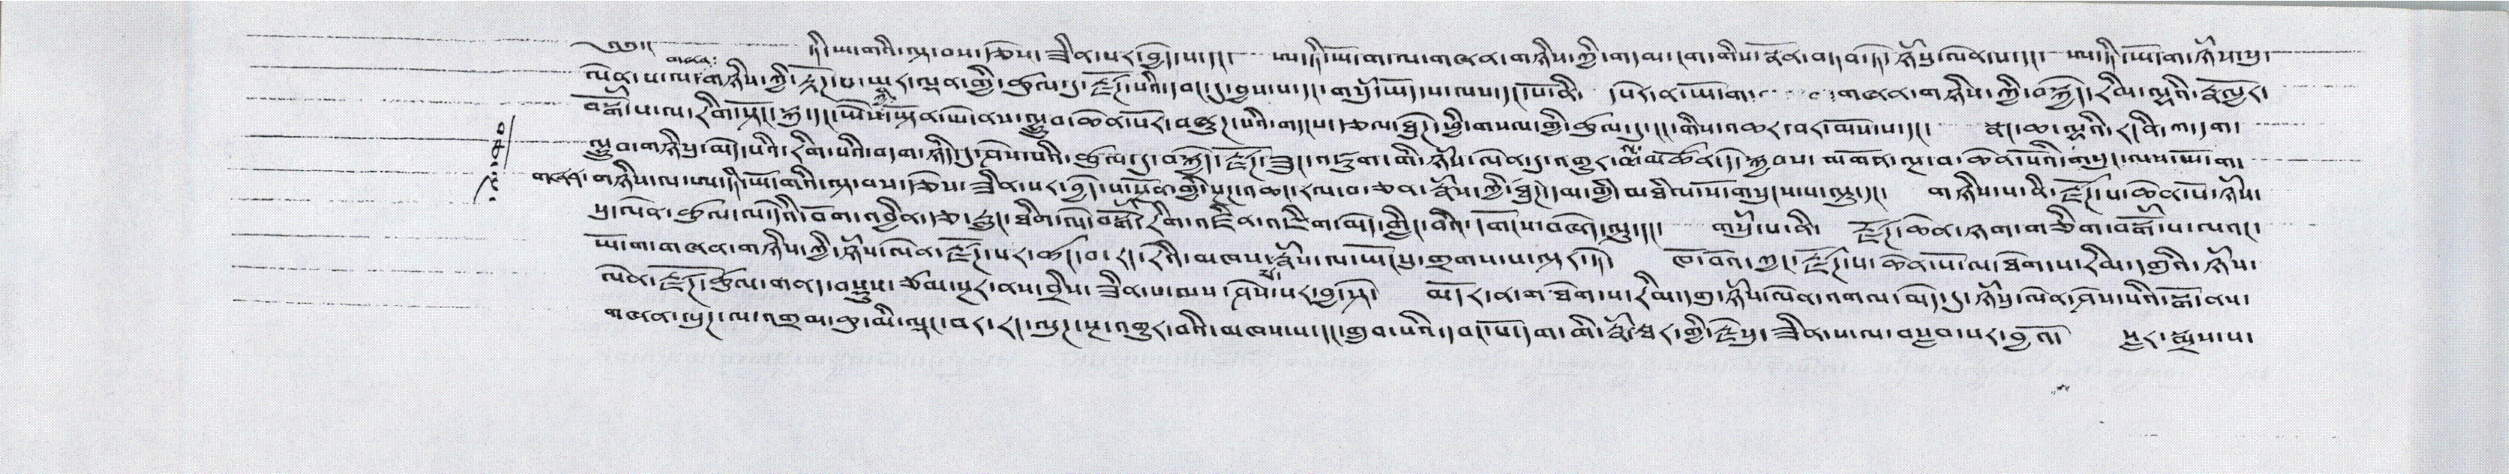ཏི་ཡོ་གའི་ལྟ་བས་རྩིས་ཟིན་པར་བྱེད་པ་དང་། ཨ་ཏི་ཡོ་ག་ལ་གཞན་གཉིས་ཀྱི་གདམས་ངག་གིས་སྣོན་བཏབ་སྟེ་ཉམས་སུ་ལེན་པ་དང་། ཨ་ཏི་ཡོ་ག་ཉམས་སུ་
ལེན་པ་ལ་གཞན་གཉིས་ཀྱི་རྟོགས་པ་ཡར་ལྡན་གྱི་ཚུལ་དུ་རྫོགས་པའི་དབང་དུ་བྱས་པ་དང་གསུམ་ཡོད་པ་ལས་དང་པོ་ནི། དཔེར་ན་ཡོ་ག་གཞན་གཉིས་ཀྱི་བསྐྱེད་རིམ་ལྷའི་རྣལ་འབྱོར་
བསྒོམ་པ་ལ་རིག་སྟོང་སྐུ་དང་ཡེ་ཤེས་ཡོན་ཏན་ཡེ་ནས་ལྷུན་གྲུབ་ཆེན་པོར་བཞུགས་པའི་གདངས་རྩལ་ཐུགས་རྗེ་ཕྱི་གསལ་གྱི་ཚུལ་དུ་ངང་གིས་འཆར་བར་མོས་པ་དང་། སྣང་ཆ་ལྷའི་རང་བཞིན་ཀ་དག་
ལྷུན་གྲུབ་གཉིས་སུ་མེད་པའི་རིག་པའི་བདག་ཉིད་དུ་ཤེས་པའི་ཚུལ་དུ་བསྐྱེད་རྫོགས་ཟུང་འཇུག་གི་ཉམས་ལེན་དུ་འགྱུར་བས་མཚོན་དེ་སྐྱབས་མགོན་ལྔ་པ་ཆེན་པོའི་གསུང་ལས་ཡོ་ག་
གཞན་གཉིས་ལ་ཨ་ཏི་ཡོ་གའི་ལྟ་བས་རྩིས་ཟིན་པར་བྱེད་པ་སྔོན་གྱི་སྔགས་འཆང་རལ་པ་ཅན་རྣམས་ཀྱི་ཐུགས་དམ་གྱི་མཐིལ་སོ་གསུངས་པ་ལྟ་བུ་དང་། གཉིས་པ་ནི་རྫོགས་པ་ཆེན་པོ་ཉམས་
སུ་ལེན་ཚུལ་ལ་དེའི་བོགས་འབྱིན་རྩ་རླུང་ཐིག་ལེ་བསྒོམ། རིག་འཛིན་འཇིགས་མེད་གླིང་པའི་དགོངས་བཞེད་ལྟ་བུ་དང་། གསུམ་པ་ནི། རྫོགས་ཆེན་ཉག་གཅིག་བསྒོམ་པ་ལའང་།
ཡོ་ག་གཞན་གཉིས་ཀྱི་ཉམས་ལེན་རྫོགས་པར་ཚང་བ་རང་རེའི་མཁས་པ་རྣམས་ལ་ཡོངས་སུ་གྲགས་པ་ལྟར་ཏེ། ཁོ་བོས་ཀྱང་རྫོགས་པ་ཆེན་པོ་ཐེག་པ་རིམ་དགུའི་ཉམས་
ལེན་རྫོགས་ཚུལ་གནད་བསྡུས་ཙམ་སྔར་ནས་བྲིས་ཟིན་པ་ལ་ཤེས་པར་བྱ་སྟེ། མདོར་ན་ཐེག་པ་རིམ་དགུ་ཉམས་ལེན་འགལ་མེད་དུ་ཉམས་སུ་ལེན་ཤེས་པའི་སྒོ་ནས་
གཞན་ལུགས་ལ་འགྲམ་ཆུ་མི་ལྡང་བར་རང་ལུགས་སྔ་འགྱུར་བའི་མཁས་དང་གྲུབ་པའི་དབང་པོ་དག་གི་རྣམ་ཐར་གྱི་རྗེས་སུ་ཟིན་པ་ལ་བསླབ་པར་བྱའོ། སླར་སྨྲས་པ།